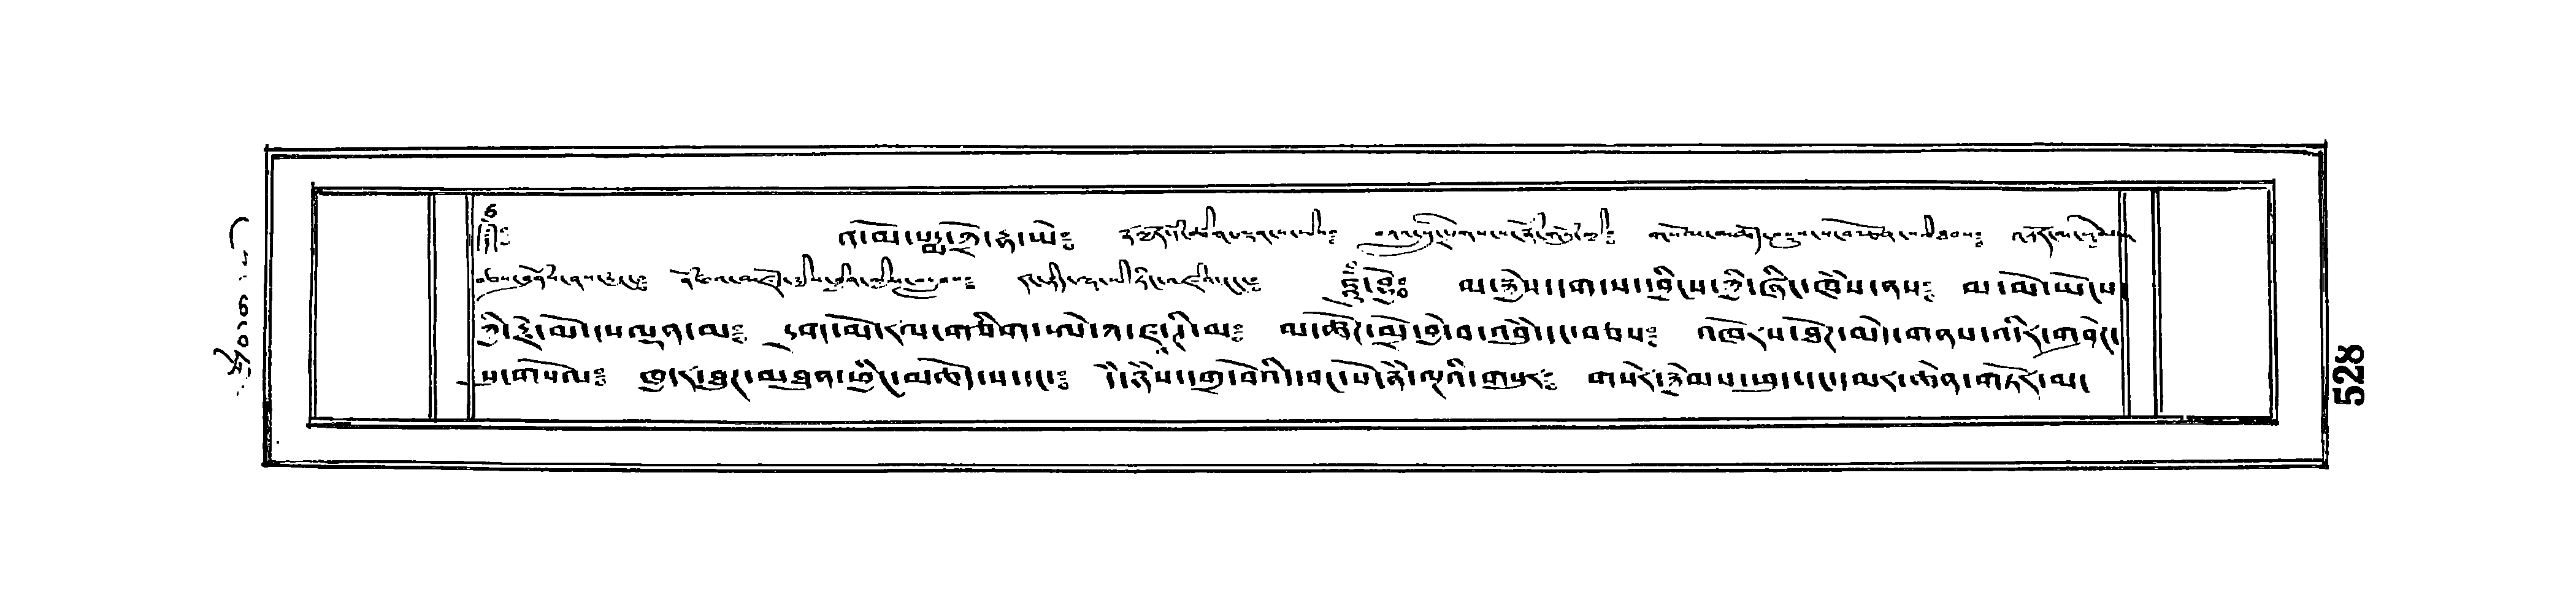༄༅་། ན་མོ་པདྨ་ཀྲོ་དྷ་ཡེ༔ རྣལ་འབྱོར་དམ་ཚིག་ལྡན་པ་ཡིས༔ བཀའ་སྲུང་དྲེགས་པ་རྣམ་གསུམ་གྱི༔ གསོལ་མཆོད་བསྡུས་པ་བརྩོན་པའི་ཐབས༔ གཏོར་མ་སྐྱེས་
བཅས་བཤམས་ནས་ཀྱང༔ ནམ་མཁའ་མཛོད་ཀྱིས་བྱིན་གྱིས་བརླབས༔ རང་ཉིད་ལྷ་ཡི་ཏིང་འཛིན་ངང༔ ཧཱུྃ་བྷྱོ༔ མ་སྐྱེས་དག་པ་དབྱིངས་ཀྱི་ཞིང་ཁམས་ནས༔ མ་མོ་ཡོངས་
ཀྱི་རྗེ་མོ་དཔལ་ལྡན་མ༔ དྲག་མོ་རལ་གཅིག་ཨེ་ཀ་ཛཱ་ཊི་མ༔ མ་ཚོགས་མཁའ་འགྲོ་བྱེ་བ་འབུམ་དང་བཅས༔ འཁོར་བཅས་ཐོགས་མེད་གནས་འདིར་གཤེགས་
སུ་གསོལ༔ ཁྱད་པར་ཐུགས་མཐུན་ཕྱི་ནང་མཆོད་པ་དང༔ དམ་ཉམས་དགྲ་བོའི་དབང་པོ་རྣམ་ལྔའི་གསུར༔ གསེར་སྐྱེམས་ཕུད་དང་དམར་ཆེན་གཏོར་མ་